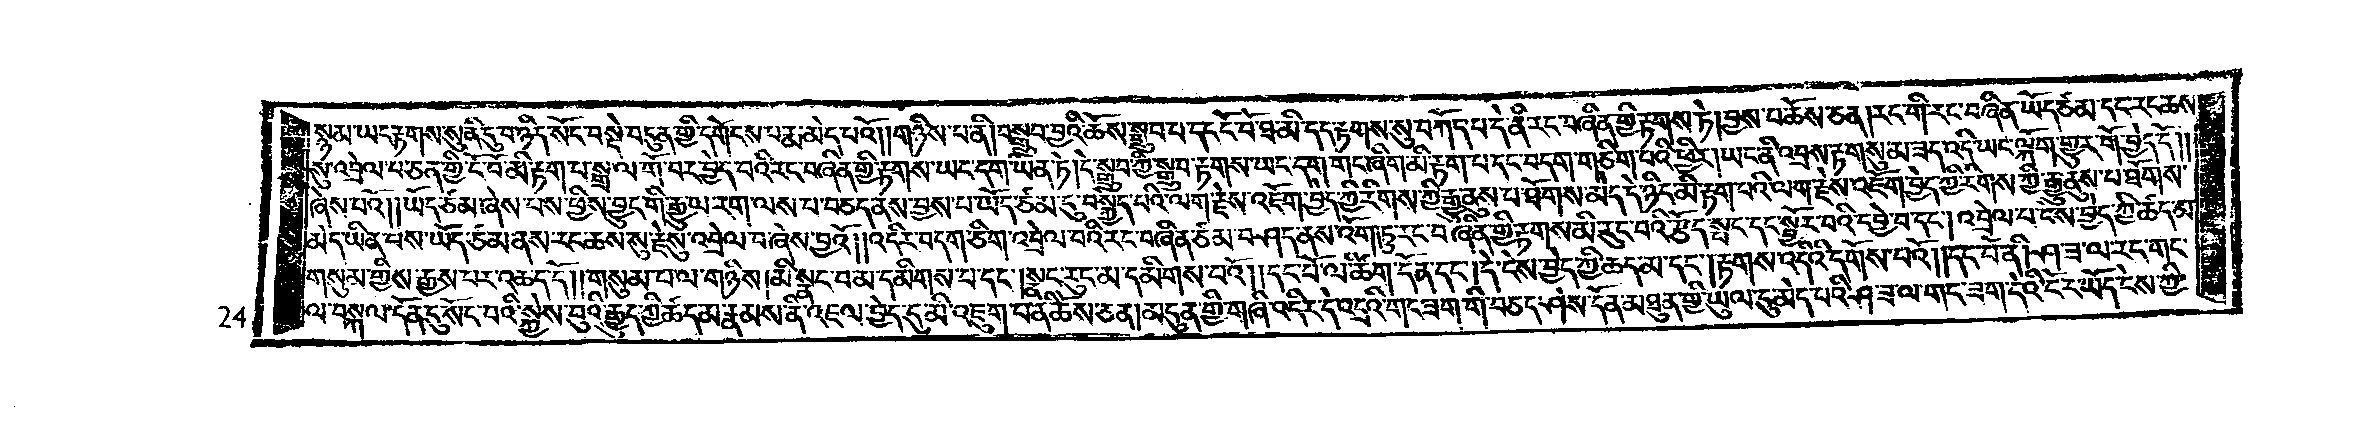སྙམ་ཡང་རྟགས་སུ་ནི་དུ་བ་ཉིད་སོང་བ་སྡེ་བདུན་གྱི་དགེངས་པ་རྨ་མེད་པའོ། །གཉིས་པ་ནི། བསྒྲུབ་བྱའི་ཆོས་སྒྲུབ་པ་དང་ངོ་བོ་ཐ་མི་དད་རྟགས་སུ་བཀོད་པ་དེ་ནི་རང་བཞིན་གྱི་རྟགས་ཏེ། བྱས་པ་ཆོས་ཅན། རང་གི་རང་བཞིན་ཡོད་ཙམ་དང་རང་ཆོས་
སུ་འབྲེལ་པ་ཅན་གྱི་ངོ་བོ་མི་རྟག་པ་སྒྲ་ལ་གོ་བར་བྱེད་པའི་རང་བཞིན་གྱི་རྟགས་ཡང་དག་ཡིན་ཏེ། དེ་སྒྲུབ་ཀྱི་སྒྲུབ་རྟགས་ཡང་དག་གང་ཞིག་མི་རྟག་པ་དང་བདག་གཅིག་པའི་ཕྱིར། ཡང་ནི་འབྲས་རྟག་གསུ་མ་ཟད་འདི་ཡང་ལྐོག་གྱུར་གོ་བྱེད་དོ། །
ཞེས་པའོ། །ཡོད་ཙམ་ཞེས་པས་ཕྱིས་བྱུང་གི་རྒྱུ་ལ་རག་ལས་པ་བཅད་ནས་བྱས་པ་ཡོད་ཙམ་དུ་བསྐྱེད་པའི་ལག་རྗེས་འཇོག་བྱེད་ཀྱི་རིགས་ཀྱི་རྒྱུ་ནུས་པ་ཐོགས་མེད་དེ་ཉིད་མི་རྟག་པའི་ལག་རྗེས་འཇོག་བྱེད་ཀྱི་རིགས་ཀྱི་རྒྱུ་ནུས་པ་ཐོགས་
མེད་ཡིན་པས་ཡོད་ཙམ་ནས་རང་ཆོས་སུ་རྗེས་སུ་འབྲེལ་བ་ཞེས་བྱའོ། །འདིར་བདག་ཅིག་འབྲེལ་བའི་རང་བཞིན་ཙམ་བཤད་ནས་འོག་ཏུ་རང་བཞིན་གྱི་རྟགས་མི་རུང་བའི་རྩོད་སྤང་དང་སྦྱོར་བའི་དབྱེ་བ་དང་། འབྲེལ་པ་ངེས་བྱེད་ཀྱི་ཚད་མ་
གསུམ་གྱིས་རྒྱས་པར་འཆད་དོ། །གསུམ་པ་ལ་གཉིས། མི་སྣང་བ་མ་དམིགས་པ་དང་། སྣང་རུང་མ་དམིགས་པའོ། །དང་པོ་ལ་ཚིག་དོན་དང་། དེ་ངེས་བྱེད་ཀྱི་ཆད་མ་དང་། རྟགས་འདིའི་དགོས་པའོ། །དང་པོ་ནི། ཤ་ཟ་ལ་རང་གང་
ལ་བསྐལ་དོན་དུ་སོང་བའི་སྐྱེས་བུའི་རྒྱུད་ཀྱི་ཚད་མ་རྣམས་ནི་འཇལ་བྱེད་དུ་མི་འཇུག་པ་ནི་ཆོས་ཅན། མདུན་གྱི་གཞི་འདིར་དེ་འདྲའི་གང་ཟག་གི་བཅད་ཤེས་དོན་མཐུན་གྱི་ཡུལ་དུ་མེད་པའི་ཤ་ཟ་ལ་གང་ཟག་དེའི་ངོར་ཡོད་ངེས་ཀྱི་